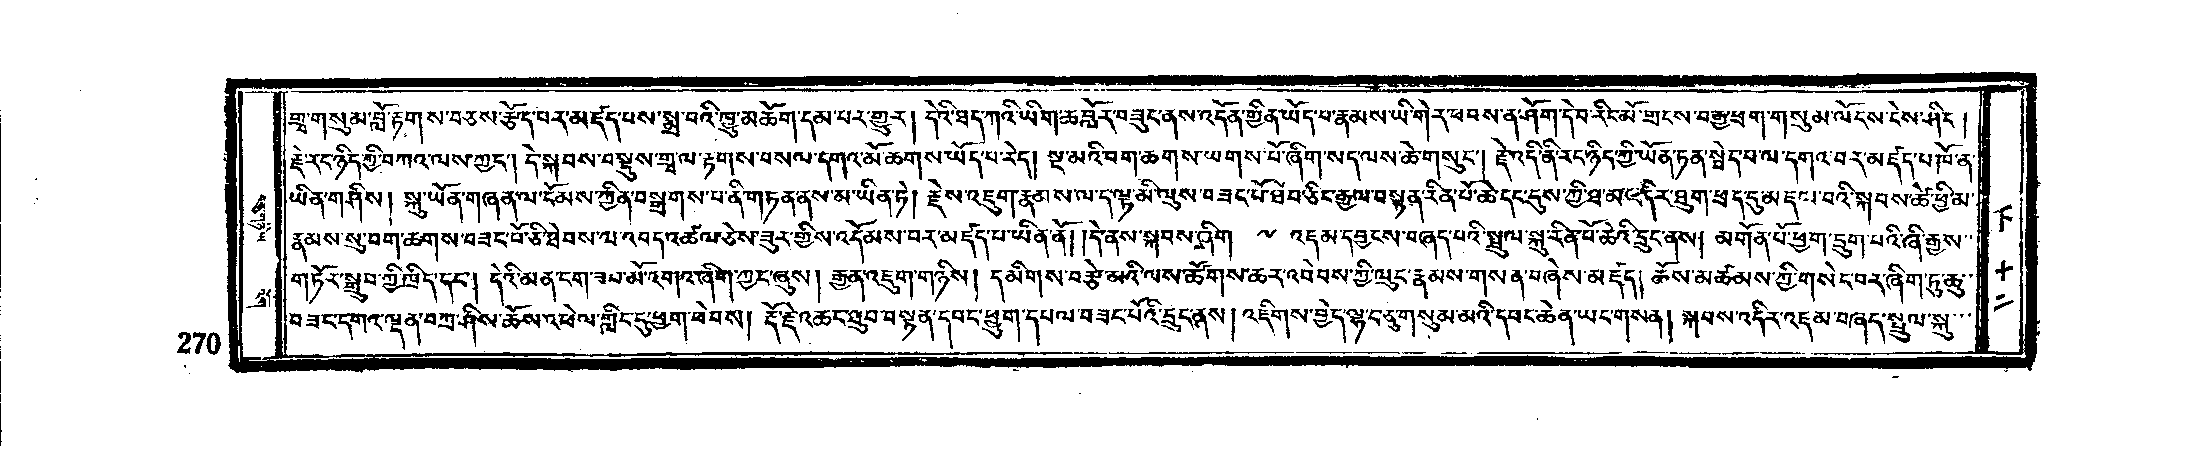གྲྭ་གསུམ་བློ་རྟགས་བཅས་རྩོད་པར་མཛད་པས་སྨྲ་བའི་ཁྱུ་མཆོག་དམ་པར་གྱུར། དེའི་ཐད་ཀའི་ཡིག་ཆ་བློར་བཟུང་ནས་འདོན་གྱིན་ཡོད་པ་རྣམས་ཡི་གེར་ཕབས་ན་ཤོག་དེབ་རིང་མོ་གྲངས་བརྒྱ་ཕྲག་གསུམ་ལོངས་ངེས་ཤིང་།
རྗེ་རང་ཉིད་ཀྱི་བཀའ་ལས་ཀྱང་། དེ་སྐབས་བསྡུས་གྲྭ་ལ་རྟགས་བསལ་དགའ་མོ་ཆགས་ཡོད་པ་རེད། སྔ་མའི་བག་ཆགས་ཡགས་པོ་ཞིག་སད་ལས་ཆེ་གསུང་། རྗེ་འདི་ནི་རང་ཉིད་ཀྱི་ཡོན་ཏན་སྦེད་པ་ལ་དགའ་བར་མཛད་པ་ཁོ་ན་
ཡིན་གཤིས། སྐུ་ཡོན་གཞན་ལ་ངོམས་ཀྱིན་བསྒྲགས་པ་ནི་གཏན་ནས་མ་ཡིན་ཏེ། རྗེས་འཇུག་རྣམས་ལ་ད་ལྟ་མི་ལུས་བཟང་པོ་ཐོབ་ཅིང་རྒྱལ་བསྟན་རིན་པོ་ཆེ་དང་དུས་ཀྱི་ཐ་མ་འདིར་ཐུག་ཕྲད་དུ་མཇལ་བའི་སྐབས་ཚེ་ཕྱི་མ་
རྣམས་སུ་བག་ཆགས་བཟང་པོ་ཅི་ཐེབས་ལ་འབད་འཚལ་ཅེས་ཟུར་གྱིས་འདོམས་བར་མཛད་པ་ཡིན་ནོ། །དེ་ནས་སྐབས་ཤིག ༧་འཇམ་དབྱངས་བཞད་པའི་སྤྲུལ་སྐུ་རིན་པོ་ཆེའི་དྲུང་ནས། མགོན་པོ་ཕྱག་དྲུག་པའི་ཞི་རྒྱས་
གཏོར་སྒྲུབ་ཀྱི་ཁྲིད་དང་། དེའི་མན་ངག་ཟབ་མོ་འགའ་ཞིག་ཀྱང་ཞུས། རྒྱན་འཇུག་གཉིས། དམིགས་བརྩེ་མའི་ལས་ཚོགས་ཆར་འབེབས་ཀྱི་ལུང་རྣམས་གསན་བཞེས་མཛད། ཆོས་མཚམས་ཀྱི་གསེང་བར་ཞིག་ཏུ་ཆུ་
བཟང་དགའ་ལྡན་བཀྲ་ཤིས་ཆོས་འཕེལ་གླིང་དུ་ཕྱག་ཕེབས། རྡོ་རྗེ་འཆང་ཐུབ་བསྟན་དབང་ཕྱུག་དཔལ་བཟང་པོའི་དྲུང་ནས། འཇིགས་བྱེད་ལྷ་བཅུ་གསུམ་མའི་དབང་ཆེན་ཡང་གསན། སྐབས་འདིར་འཇམ་བཞད་སྤྲུལ་སྐུ་